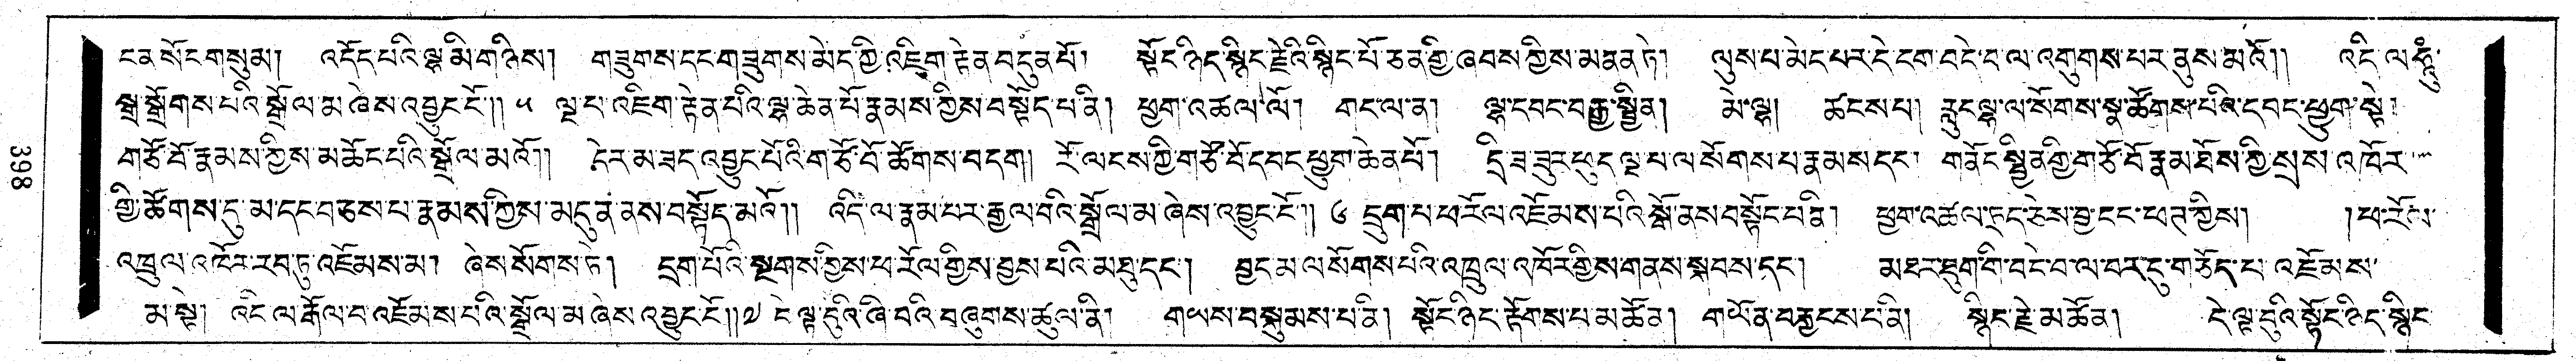ངན་སོང་གསུམ། འདོད་པའི་ལྷ་མི་གཉིས། གཟུགས་དང་གཟུགས་མེད་ཀྱི་འཇིག་རྟེན་བདུན་པོ། སྟོང་ཉིད་སྙིང་རྗེའི་སྙིང་པོ་ཅན་གྱི་ཞབས་ཀྱིས་མནན་ཏེ། ལུས་པ་མེད་པར་དེ་དག་བདེ་བ་ལ་འགུགས་པར་ནུས་མའོ།། འདི་ལ་ཧཱུཾ་
སྒྲ་སྒྲོགས་པའི་སྒྲོལ་མ་ཞེས་འབྱུང་ངོ།། ༥་ལྔ་པ་འཇིག་རྟེན་པའི་ལྷ་ཆེན་པོ་རྣམས་ཀྱིས་བསྟོད་པ་ནི། ཕྱག་འཚལ་ལོ། གང་ལ་ན། ལྷ་དབང་བརྒྱ་སྦྱིན། མེ་ལྷ། ཚངས་པ། རླུང་ལྷ་ལ་སོགས་སྣ་ཚོགས་པའི་དབང་ཕྱུག་སྟེ།
གཙོ་བོ་རྣམས་ཀྱིས་མཆོད་པའི་སྒྲོལ་མའོ།། དེར་མ་ཟད་འབྱུང་པོའི་གཙོ་བོ་ཚོགས་བདག། རོ་ལངས་ཀྱི་གཙོ་བོ་དབང་ཕྱུག་ཆེན་པོ། དྲི་ཟ་ཟུར་ཕུད་ལྔ་པ་ལ་སོགས་པ་རྣམས་དང་། གནོད་སྦྱིན་གྱི་གཙོ་བོ་རྣམ་ཐོས་ཀྱི་སྲས་འཁོར་
གྱི་ཚོགས་དུ་མ་དང་བཅས་པ་རྣམས་ཀྱིས་མདུན་ནས་བསྟོད་མའོ།། འདི་ལ་རྣམ་པར་རྒྱལ་བའི་སྒྲོལ་མ་ཞེས་འབྱུང་ངོ།། ༦་དྲུག་པ་ཕ་རོལ་འཇོམས་པའི་སྒོ་ནས་བསྟོང་པ་ནི། ཕྱག་འཚལ་ཏྲད་ཅེས་བྱ་ངང་ཕཊ་ཀྱིས། །ཕ་རོལ་
འཁྲུལ་འཁོར་རབ་ཏུ་འཇོམས་མ། ཞེས་སོགས་ཏེ། དྲག་པོའི་སྔགས་ཀྱིས་ཕ་རོལ་གྱིས་བྱས་པའི་མཐུ་དང་། བྱད་མ་ལ་སོགས་པའི་འཁྲུལ་འཁོར་གྱིས་གནས་སྐབས་དང་། མཐར་ཐུག་གི་བདེ་བ་ལ་བར་དུ་གཅོད་པ་འཇོམས་
མ་སྟེ། འདི་ལ་རྒོལ་བ་འཇོམས་པའི་སྒྲོལ་མ་ཞེས་འབྱུང་ངོ།། ༧་དེ་ལྟ་བུའི་ཞི་བའི་བཞུགས་ཚུལ་ནི། གཡས་བསྐུམས་པ་ནི། སྟོང་ཉིད་རྟོགས་པ་མཚོན། གཡོན་བརྐྱངས་པ་ནི། སྙིང་རྗེ་མཚོན། དེ་ལྟ་བུའི་སྟོང་ཉིད་སྙིང་